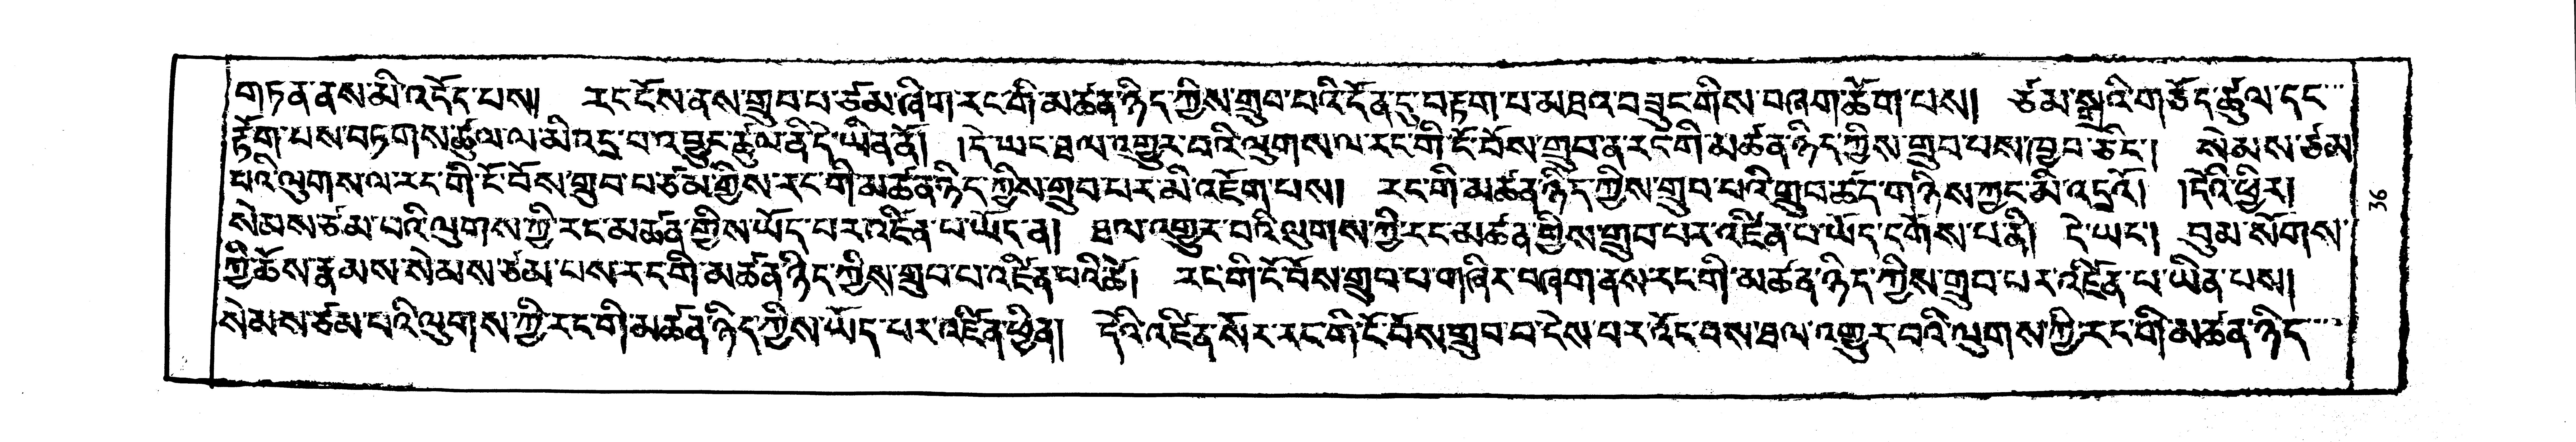གཏན་ནས་མི་འདོད་པས། རང་ངོས་ནས་གྲུབ་པ་ཙམ་ཞིག་རང་གི་མཚན་ཉིད་ཀྱིས་གྲུབ་པའི་དོན་དུ་བརྟག་པ་མཐའ་བཟུང་གིས་བཞག་ཆོག་པས། ཙམ་སྒྲའི་གཅོད་ཚུལ་དང་
རྟོག་པས་བཏགས་ཚུལ་ལ་མི་འདྲ་བ་འབྱུང་ཚུལ་ནི་དེ་ཡིན་ནོ། །དེ་ཡང་ཐལ་འགྱུར་བའི་ལུགས་ལ་རང་གི་ངོ་བོས་གྲུབ་ན་རང་གི་མཚན་ཉིད་ཀྱིས་གྲུབ་པས་ཁྱབ་ཅིང་། སེམས་ཙམ་
པའི་ལུགས་ལ་རང་གི་ངོ་བོས་གྲུབ་པ་ཙམ་གྱིས་རང་གི་མཚན་ཉིད་ཀྱིས་གྲུབ་པར་མི་འཇོག་པས། རང་གི་མཚན་ཉིད་ཀྱིས་གྲུབ་པའི་གྲུབ་ཚད་གཉིས་ཀྱང་མི་འདྲའོ། །དེའི་ཕྱིར།
སེམས་ཙམ་པའི་ལུགས་ཀྱི་རང་མཚན་གྱིས་ཡོད་པར་འཛིན་པ་ཡོད་ན། ཐལ་འགྱུར་བའི་ལུགས་ཀྱི་རང་མཚན་གྱིས་གྲུབ་པར་འཛིན་པ་ཡོད་དགོས་པ་ནི། དེ་ཡང་། བུམ་སོགས་
ཀྱི་ཆོས་རྣམས་སེམས་ཙམ་པས་རང་གི་མཚན་ཉིད་ཀྱིས་གྲུབ་པ་འཛིན་པའི་ཚེ། རང་གི་ངོ་བོས་གྲུབ་པ་གཞིར་བཞག་ནས་རང་གི་མཚན་ཉིད་ཀྱིས་གྲུབ་པར་འཛིན་པ་ཡིན་པས།
སེམས་ཙམ་པའི་ལུགས་ཀྱི་རང་གི་མཚན་ཉིད་ཀྱིས་ཡོད་པར་འཛིན་ཕྱིན། དེའི་འཛིན་སོར་རང་གི་ངོ་བོས་གྲུབ་པ་ངེས་པར་འོང་བས་ཐལ་འགྱུར་བའི་ལུགས་ཀྱི་རང་གི་མཚན་ཉིད་